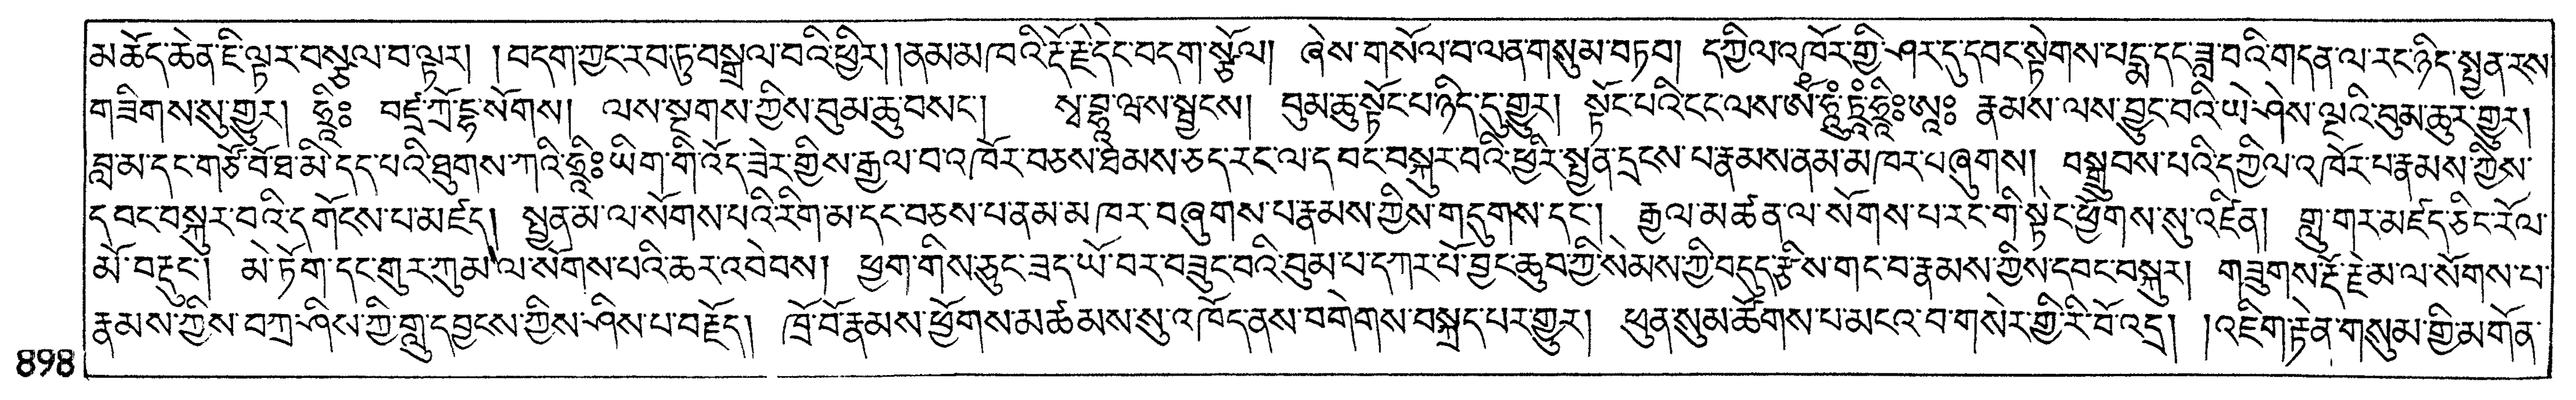མཆོད་ཆེན་ཇི་ལྟར་བསྩལ་བ་ལྟར། །བདག་ཀྱང་རབ་ཏུ་བསྒྲལ་བའི་ཕྱིར། །ནམ་མཁའི་རྡོ་རྗེ་དེང་བདག་སྩོལ། ཞེས་གསོལ་བ་ལན་གསུམ་བཏབ། དཀྱིལ་འཁོར་གྱི་ཤར་དུ་དབང་སྟེགས་པདམ་དང་ཟླ་བའི་གདན་ལ་རང་ཉིད་སྤྱན་རས་
གཟིགས་སུ་གྱུར། ཧྲཱིཿ བཛྲ་ཀྲོ་དྷ་སོགས། ལས་སྔགས་ཀྱིས་བུམ་ཆུ་བསང་། སྭ་བྷཱ་ཝས་སྦྱངས། བུམ་ཆུ་སྟོང་པ་ཉིད་དུ་གྱུར། སྟོང་པའི་ངང་ལས་ཨོཾ་ཧཱུཾ་ཏྲཱཾ་གྲཱིཿ ཨཱཿ རྣམས་ལས་བྱུང་བའི་ཡེ་ཤེས་ལྔའི་བུམ་ཆུར་གྱུར།
བླ་མ་དང་གཙོ་བོ་ཐ་མི་དད་པའི་ཐུགས་ཀའི་ཧྲཱིཿ ཡིག་གི་འོད་ཟེར་གྱིས་རྒྱལ་བ་འཁོར་བཅས་ཐམས་ཅད་རང་ལ་དབང་བསྐུར་བའི་ཕྱིར་སྤྱན་དྲངས་པ་རྣམས་ནམ་མཁར་བཞུགས། བསྒྲུབས་པའི་དཀྱིལ་འཁོར་པ་རྣམས་ཀྱིས་
དབང་བསྐུར་བའི་དགོངས་པ་མཛད། སྤྱན་མ་ལ་སོགས་པའི་རིག་མ་དང་བཅས་པ་ནམ་མཁར་བཞུགས་པ་རྣམས་ཀྱིས་གདུགས་དང་། རྒྱལ་མཚན་ལ་སོགས་པ་རང་གི་སྟེང་ཕྱོགས་སུ་འཛིན། གླུ་གར་མཛད་ཅིང་རོལ་
མོ་བརྡུང་། མེ་ཏོག་དང་གུར་ཀུམ་ལ་སོགས་པའི་ཆར་འབེབས། ཕྱག་གིས་ཅུང་ཟད་ཡོ་བར་བཟུང་བའི་བུམ་པ་དཀར་པོ་བྱང་ཆུབ་ཀྱི་སེམས་ཀྱི་བདུད་རྩིས་གང་བ་རྣམས་ཀྱིས་དབང་བསྐུར། གཟུགས་རྡོ་རྗེ་མ་ལ་སོགས་པ་
རྣམས་ཀྱིས་བཀྲ་ཤིས་ཀྱི་གླུ་དབྱངས་ཀྱིས་ཤིས་པ་བརྗོད། ཁྲོ་བོ་རྣམས་ཕྱོགས་མཚམས་སུ་འཁོད་ནས་བགེགས་བསྐྲད་པར་གྱུར། ཕུན་སུམ་ཚོགས་པ་མངའ་བ་གསེར་གྱི་རི་བོ་འདྲ། །འཇིག་རྟེན་གསུམ་གྱི་མགོན་